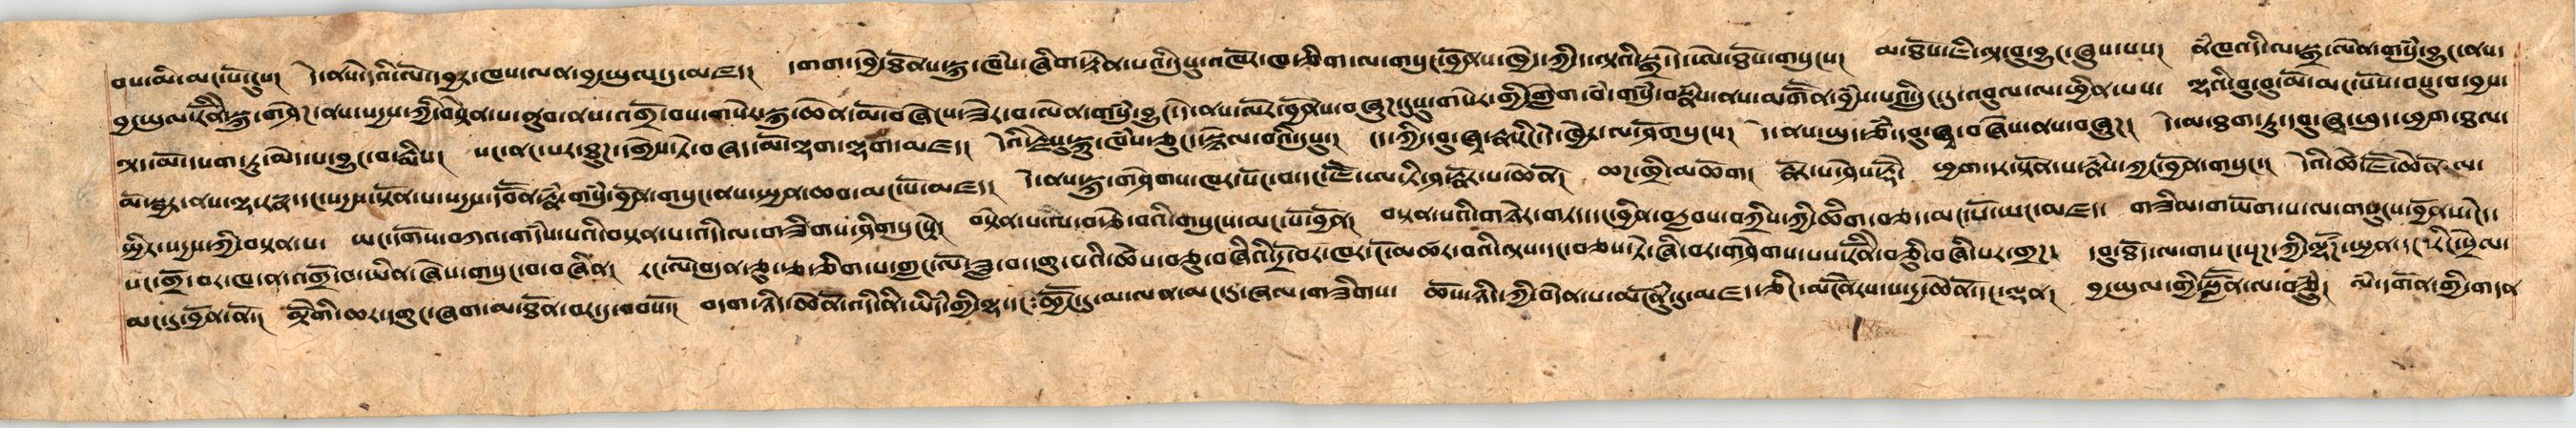བས་མི་མང་པོས་ངུས། དེ་ནས་དེའི་ལོ་དབྱར་ཁས་ལན་བྱ་ཡུལ་དུ་མཛད། དགག་དབྱེ་ཐོནས་སྐུ་ཁཾས་ཞིག་རྟེན་པའི་དུསུ་འཁོར་ཁ་ཅིག་ལ་གསུང་བྱོནས་ཁྱེད་ཀྱི་ད་ལྟའི་སྒྲ་དེ་ཨེ་ཐོས་གསུངས། མ་ཐོས་ཇི་ལྟ་བུ་བྱུང་ཞུས་པས། ནཾཁའ་འདི་ལ་སྒྲ་ལེན་གསུཾ་བྱུང་ནས་
བྱ་ཡུལ་རིོནེ་སྐུ་གཤེཌ་ནས་སདྱས་ཀྱི་བསྟེན་པ་ནུབ་ནས་འགྲོ་བས་གསེར་སྐུ་ཆེན་མོ་བཞེངས་ཟེར་བ་ལེན་གསུཾ་བྱུང་དེ་ནས་ལོར་བྱོནས་བཞུཌ་དུསུ་གསེར་གྱི་གླེག་བཾ་གསུཾ་བསྣཾས་ནས་མགོཽ་བྱཾས་པའི་དྲུང་དུ་འབུལ་ལ་ཕྱིན་པས། ལྷའི་བུ་བུ་མོ་མང་པོས་བསུ་བ་བྱས་
ལྟད་མོ་དཔག་ཏུ་མེད་པ་བྱུང་བ་རྨིས། སང་ནང་པར་ཐུཌ་དགྱེས་ཏེ་བཞད་མོ་ལྷག་ལྷག་མཛད། དེའི་རྗེསུ་སྐུ་ཁྃས་ཅུང་སྙེལ་བའི་དུསུ། ངད་ཀྱི་དབུ་ཞྭ་སྣ་རིང་དེ་ཁྱེར་ལ་ཤོགསུངས། དེ་ནས་ཡུད་ཙྃ་དབུ་ཞྭ་བཞེས་ནསབཞུཌ། དེ་མ་ཐག་ཏུ་དབུ་ཞྭ་ཕུད་ཕྱག་ཐལ་
མོ་སྦྱར་ནས་ལྷ་རསྣ་དང་སདྱས་སྟོན་པ་སདྱད་དབོཽན་རྣྃ་གསུྃ་བྱོན་གསུང་ནས་སྤྱན་ཆབ་མང་པོ་མཛད། དེ་ནས་སྐུ་གཤེགས་ཁར་སོང་བ་དང་ཇཽ་ཨ་ཏི་ཤ་རྣོར་པ་ཆེནོ། ཆཌ་ཁྲི་མཆོག། རྣོར་པ་ཤེས་རྡོེ་ ཕྱག་དར་སྟོན་པ་རྣྃས་ཀྱང་བྱོན་གསུང་། དེའི་ཚེ་ཇཽ་ཆེནོ་ལ་
སྤྱིར་སདྱས་ཀྱི་བསྟན་པ་ ཡང་དགོས་བཀའ་གདྃས་པའི་བསྟན་པ་འདི་ལ་གཟིགས་ཤིག་གསུངསྟེ། བསྟེན་པ་ལ་ཐུགས་བརྩེ་བའི་གསུངས་མང་པོ་བྱོན། བསྟན་པའི་གཉེར་གཏད་དང་བྱིན་བརླབས་བཀྲིས་ཀྱི་ཚིག་བཅད་མང་པོ་ཡང་མཛད། གཟིམས་གཡོག་པ་ལ་གསུངས་བྱོནས་ངེད་
སང་གྲོ་བར་ཁ་ན་འགྲོ་བ་ཡིན་ཞེས་གསུང་བ་བཞིན། རང་ལོ་བདུན་ཅུ་རྩ་ཅིག་པ་གླང་ལོ་ཟླ་བ་དགུ་པའི་ཚེས་བཅུ་བཞིའི་དྲོ་བར་ཁར་ངོ་མཚར་བའི་ལྟས་དང་བཅས་ཏེ་ཞི་བར་གཤེགས་པས་རིནོེ་བཅིུ་བཞི་པར་གྲཌ་ དབུ་ཐོད་ལ་གསང་སྔཌ་ཀྱི་ལྷཚོཌ་སྤྱན་དང་རིང་སྲེལ་
མང་དུ་བྱོན་ནོ་། མྟེོགི་ཆར་དགུང་ཞག་མ་ཐོན་བར་དུ་བབསོ། བདག་ཉིད་ཆེནོ་འདི་ནི་ཡིདཾ་གྱི་ལྷ་དང་ཆྱཽང་དུ་མ་ལན་མང་དུ་ཞལ་གཟིགས། ཆོས་ཉིད་ཀྱི་བདེན་པ་མངོནུཾ་དུ་མཛད་ཅིང་མངོནེརས་པ་དྱ་ཆེནོ་དང་ལྡན། བྱ་ཡུལ་གྱི་སླཽན་ལ་བཅྲུཾ། ལཾ་དགོན་གྱི་གདན